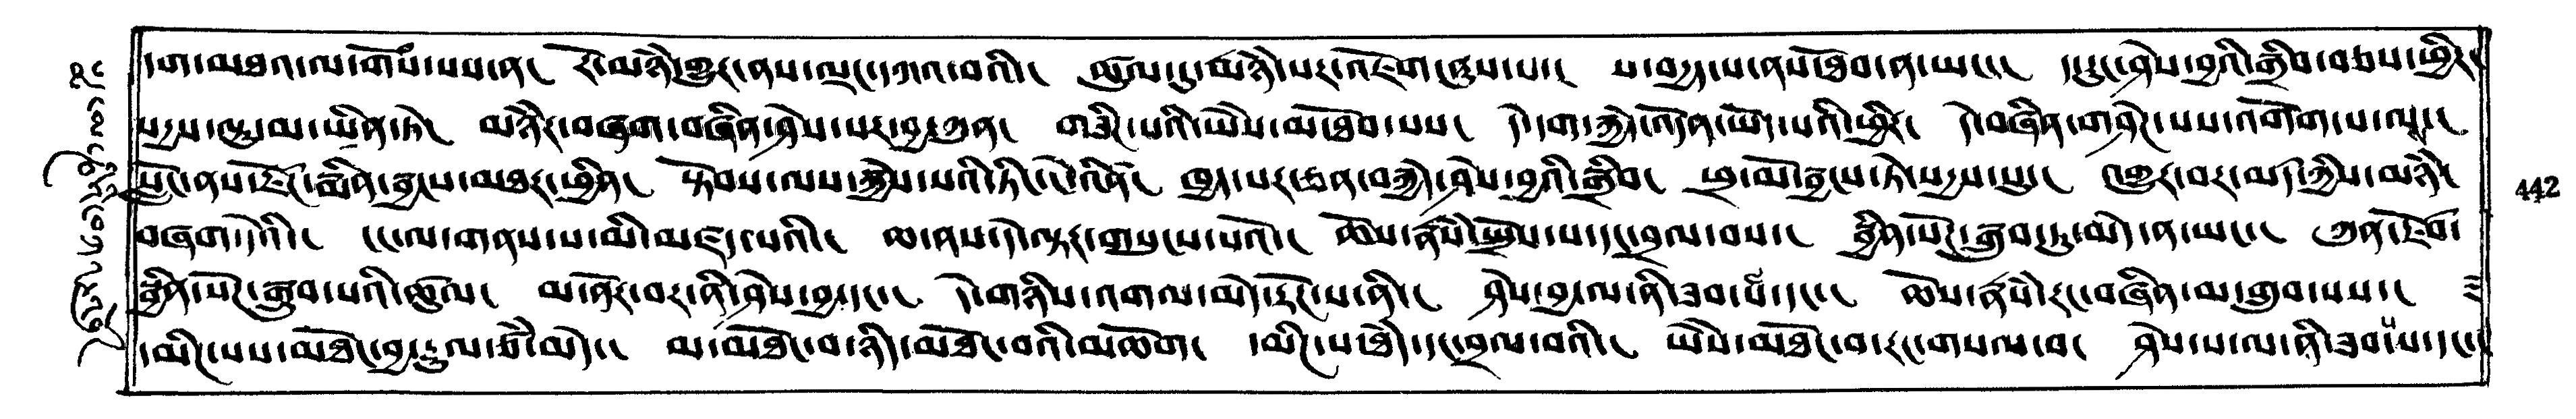དག་མཐའ་ལ་གོམས་པས་ན། །རོ་མཉམ་གྱུར་ནས་ལྡང་དཀའ་བའི། །ཚུལ་དུ་མཉམ་པར་འཇོག་ནུས་པ། །ས་བརྒྱད་པ་ནས་ཐོབ་ན་ཡང་། །ད་རུང་ཤེས་བྱའི་སྒྲིབ་བཅས་ཕྱིར། །
སངས་རྒྱས་ལྟ་བུ་མ་ཡིན་ཏེ། །མཉམ་པར་བཞག་བཞིན་ཤེས་བྱ་ཀུན། །གཟིགས་པའི་ཡེ་ཤེས་མ་ཐོབ་པས། །དེ་དག་སྐྱེད་འདོན་ཡོད་པའི་ཕྱིར། །དེ་བཞིན་གཤེགས་པས་འགོག་པ་ལས། །
སླང་ནས་རྫོགས་སྨིན་སྦྱངས་མཐར་ཕྱིན། །སྟོབས་ལས་སྐྱེས་པའི་ཏིང་ངེ་འཛིན།ཁྱད་པར་ཅན་བསྐྱེད་ཤེས་བྱའི་སྒྲིབ། །ཕྲ་མོ་སྦྱངས་ཏེ་སངས་རྒྱས་སུ། །འགྱུར་བར་མཛད་ཀྱིས་མཉམ་
བཞག་དེའི། །ངང་ལ་གནས་པ་མི་མཛད་པའི། །ཆ་ནས་དེ་ལྟར་གསུངས་པའོ། །ཆོས་རྣམས་སྤྲོས་པ་དང་བྲལ་བས། །སྦྱིན་སོགས་སྒྲུབ་ཏུ་མེད་ན་ཡང་། །ཀུན་རྫོབ་
སྦྱིན་སོགས་སྒྲུབ་པའི་ཚུལ། །མ་ནོར་བར་ནི་ཤེས་བྱ་དང་། །དེ་གཉིས་འགལ་མེད་རྟོགས་པ་ནི། །ཤེས་བྱ་ལ་ནི་ཟབ་པ་དང་། །ཆོས་རྣམས་རང་བཞིན་མ་གྲུབ་པས། །
དམིགས་པས་མཐོང་བྱ་རྡུལ་ཙམ་མེད། །མ་མཐོང་བ་ཉིད་མཐོང་བའི་མཆོག །དམིགས་པ་ཐམས་ཅད་དང་བྲལ་བའི། །ཡེ་ཤེས་མཐོང་བ་རང་གསལ་བ། །ཤེས་པ་ལ་ནི་ཟབ་པ་དང་། །